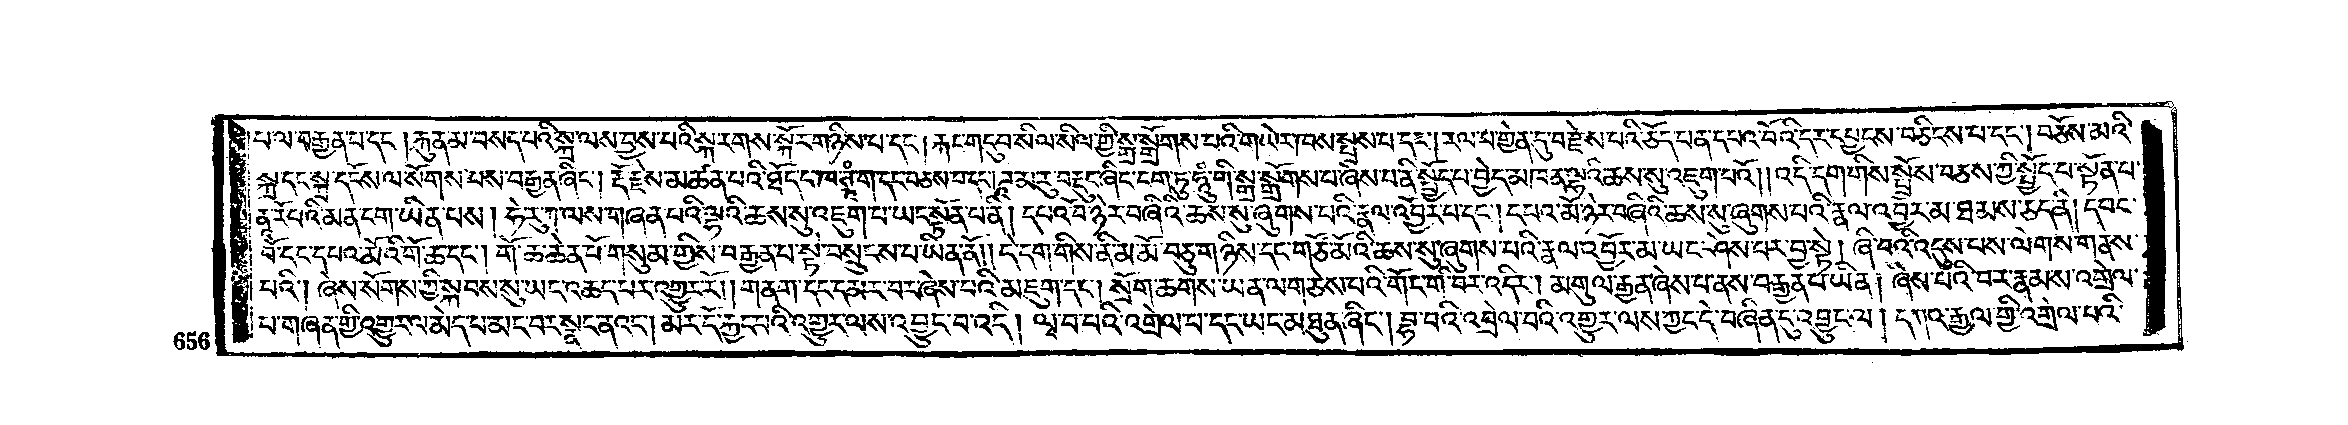པ་ལ་བརྒྱན་པ་དང་། རྐུན་མ་བསད་པའི་སྐྲ་ལས་བྱས་པའི་སྐ་རགས་སྐོར་གཉིས་པ་དང་། རྐང་གདུབ་སིལ་སིལ་གྱི་སྒྲ་སྒྲོགས་པའི་གཡེར་ཁས་སྤྲས་པ་དང་། རལ་པ་གྱེན་དུ་བརྫེས་པའི་ཅོད་པན་དཔའ་བོའི་དར་དཔྱངས་བཅིངས་པ་དང་། བཅོས་མའི་
སྐྲ་དང་སྐྲ་དངོས་ལ་སོགས་པས་བརྒྱན་ཞིང་། རྡོ་རྗེས་མཚན་པའི་ཐོད་མག་ཁ་ཊྭཱཾ་ག་དང་བཅས་པ་དང་། ཌཱ་མ་རུ་བརྡུང་ཞིང་ངག་ཏུ་ཧཱུཾ་གི་སྒྲ་སྒྲོགས་པ་ཞེས་པ་ནི་སྤྱོད་པ་བྱེད་མཁན་ལྷའི་ཆས་སུ་འཇུག་པའོ། །འདི་དག་གིས་སྤྲོས་བཅས་ཀྱི་སྤྱོད་པ་སྟོན་པ་
ནཱ་རོ་པའི་མན་ངག་ཡིན་པས། ཧེ་རུ་ཀ་ལས་གཞན་པའི་ལྷའི་ཆས་སུ་འཇུག་པ་ཡང་སྟོན་པ་ནི། དཔའ་བོ་ཉེར་བཞིའི་ཆས་སུ་ཞུགས་པའི་རྣལ་འབྱོར་པ་དང་། དཔའ་མོ་ཉེར་བཞིའི་ཆས་སུ་ཞུགས་པའི་རྣལ་འབྱོར་མ་ཐམས་ཅད་ནི། དཔའ་
བོ་དང་དཔའ་མོའི་གོ་ཆ་དང་། གོ་ཆ་ཆེན་པོ་གསུམ་གྱིས་བརྒྱན་པ་སྟེ་བསྲུངས་པ་ཡིན་ནོ། །དེ་དག་གིས་ནི་མ་མོ་བཅུ་གཉིས་དང་གཙོ་མོའི་ཆས་སུ་ཞུགས་པའི་རྣལ་འབྱོར་མ་ཡང་ཤེས་པར་བྱ་སྟེ། ཞི་བའི་འདུས་པས་ལེགས་གནས་
པའི། ཞེས་སོགས་ཀྱི་སྐབས་སུ་ཡང་འཆད་པར་འགྱུར་རོ། །གནག་དང་དམར་བར་ཞེས་པའི་མཇུག་དང་། སྲོག་ཆགས་ཡན་ལག་ཅེས་པའི་གོང་གི་བར་འདིར། མགུལ་རྒྱན་ཞེས་པ་ནས་བརྒྱན་པ་ཡིན། ཞེས་པའི་བར་རྣམས་འགྲེལ་
པ་གཞན་གྱི་འགྱུར་ལ་མེད་པ་མང་བར་སྣང་ནའང་། མར་དོ་རྐྱང་པའི་འགྱུར་ལས་འབྱུང་བ་འདི། ལྭ་བ་པའི་འགྲེལ་པ་དང་ཡང་མཐུན་ཞིང་། བྷ་བའི་འགྲེལ་པའི་འགྱུར་ལས་ཀྱང་དེ་བཞིན་དུ་འབྱུང་ལ། དཀའ་རྒྱལ་གྱི་འགྲེལ་པའི་